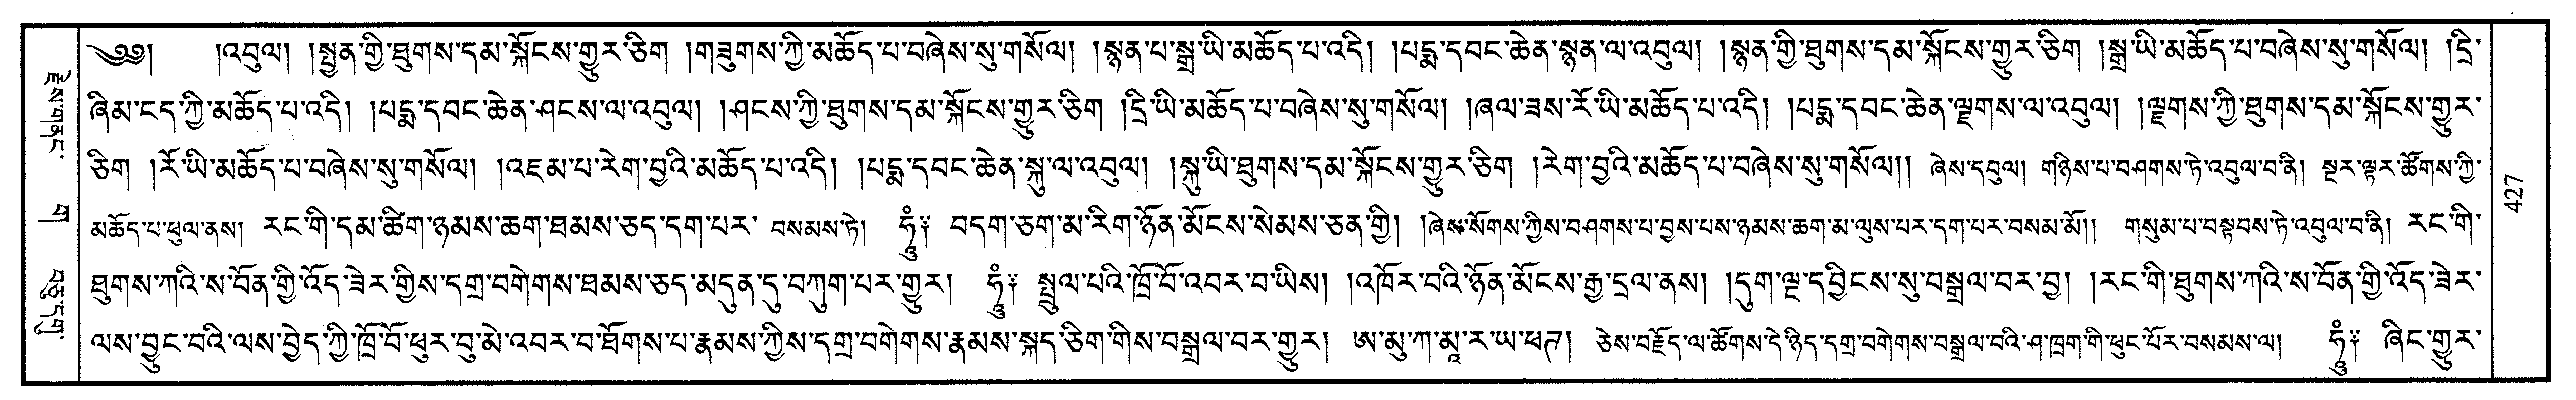༄༅། །འབུལ། །སྤྱན་གྱི་ཐུགས་དམ་སྐོངས་གྱུར་ཅིག །གཟུགས་ཀྱི་མཆོད་པ་བཞེས་སུ་གསོལ། །སྙན་པ་སྒྲ་ཡི་མཆོད་པ་འདི། །པདམ་དབང་ཆེན་སྙན་ལ་འབུལ། །སྙན་གྱི་ཐུགས་དམ་སྐོངས་གྱུར་ཅིག །སྒྲ་ཡི་མཆོད་པ་བཞེས་སུ་གསོལ། །དྲི་
ཞིམ་ངད་ཀྱི་མཆོད་པ་འདི། །པདམ་དབང་ཆེན་ཤངས་ལ་འབུལ། །ཤངས་ཀྱི་ཐུགས་དམ་སྐོངས་གྱུར་ཅིག །དྲི་ཡི་མཆོད་པ་བཞེས་སུ་གསོལ། །ཞལ་ཟས་རོ་ཡི་མཆོད་པ་འདི། །པདམ་དབང་ཆེན་ལྗགས་ལ་འབུལ། །ལྗགས་ཀྱི་ཐུགས་དམ་སྐོངས་གྱུར་
ཅིག །རོ་ཡི་མཆོད་པ་བཞེས་སུ་གསོལ། །འཇམ་པ་རེག་བྱའི་མཆོད་པ་འདི། །པདམ་དབང་ཆེན་སྐུ་ལ་འབུལ། །སྐུ་ཡི་ཐུགས་དམ་སྐོངས་གྱུར་ཅིག །རེག་བྱའི་མཆོད་པ་བཞེས་སུ་གསོལ།། ཞེས་དབུལ། གཉིས་པ་བཤགས་ཏེ་འབུལ་བ་ནི། སྔར་ལྟར་ཚོགས་ཀྱི་
མཆོད་པ་ཕུལ་ནས། རང་གི་དམ་ཚིག་ཉམས་ཆག་ཐམས་ཅད་དག་པར་བསམས་ཏེ། ཧཱུཾ། བདག་ཅག་མ་རིག་ཉོན་མོངས་སེམས་ཅན་གྱི། །ཞེས་སོགས་ཀྱིས་བཤགས་པ་བྱས་པས་ཉམས་ཆག་མ་ལུས་པར་དག་པར་བསམ་མོ།། གསུམ་པ་བསྟབས་ཏེ་འབུལ་བ་ནི། རང་གི་
ཐུགས་ཀའི་ས་བོན་གྱི་འོད་ཟེར་གྱིས་དགྲ་བགེགས་ཐམས་ཅད་མདུན་དུ་བཀུག་པར་གྱུར། ཧཱུཾ། སྤྲུལ་པའི་ཁྲོ་བོ་འབར་བ་ཡིས། །འཁོར་བའི་ཉོན་མོངས་རྒྱ་དྲལ་ནས། །དུག་ལྔ་དབྱིངས་སུ་བསྒྲལ་བར་བྱ། །རང་གི་ཐུགས་ཀའི་ས་བོན་གྱི་འོད་ཟེར་
ལས་བྱུང་བའི་ལས་བྱེད་ཀྱི་ཁྲོ་བོ་ཕུར་བུ་མེ་འབར་བ་ཐོགས་པ་རྣམས་ཀྱིས་དགྲ་བགེགས་རྣམས་སྐད་ཅིག་གིས་བསྒྲལ་བར་གྱུར། ཨ་མུ་ཀ་མཱ་ར་ཡ་ཕཊ། ཅེས་བརྗོད་ལ་ཚོགས་དེ་ཉིད་དགྲ་བགེགས་བསྒྲལ་བའི་ཤ་ཁྲག་གི་ཕུང་པོར་བསམས་ལ། ཧཱུཾཿ ཞིང་གྱུར་